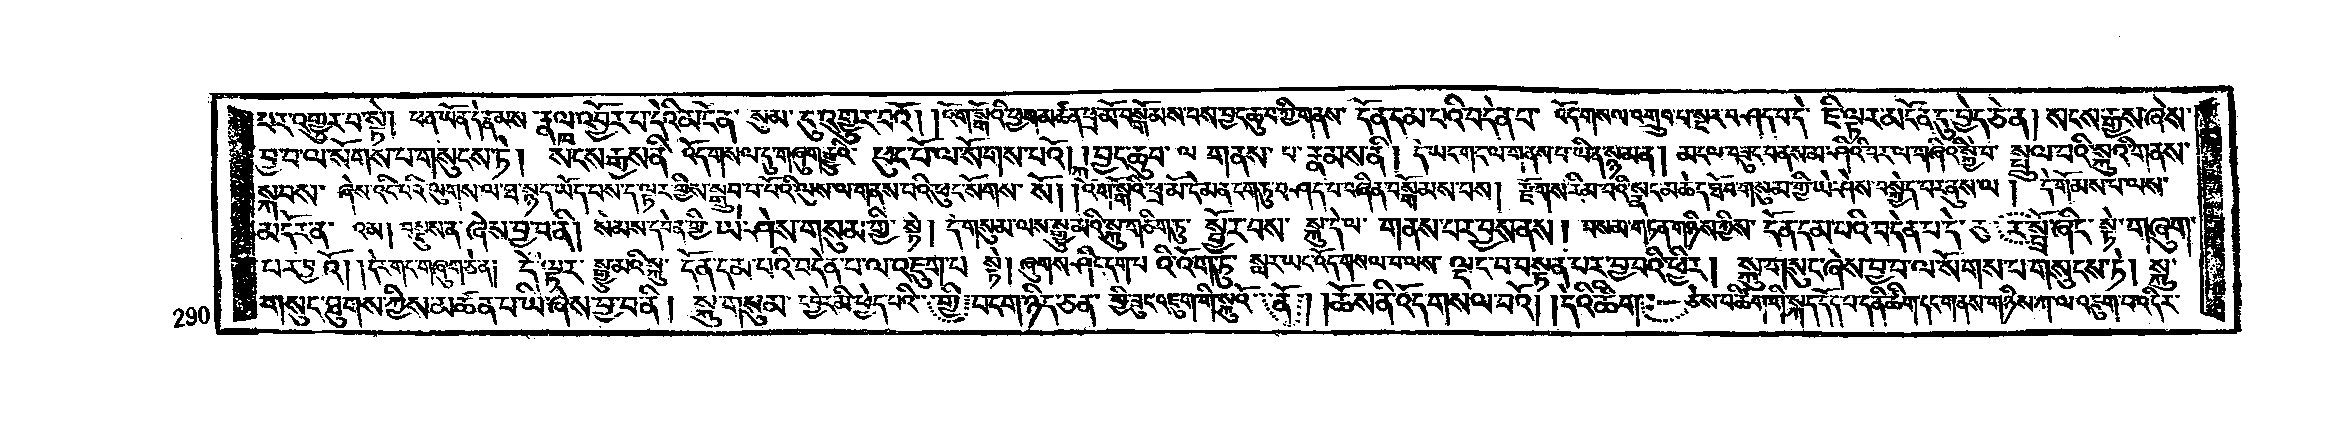པར་འགྱུར་བ་སྟེ། ཕན་ཡོན་དེ་རྣམས་རྣལ་འབྱོར་པ་དེའི་མངོན་སུམ་དུ་འགྱུར་བའོ། ། འོག་སྒོའི་ཕྱག་མཚན་ཕྲ་མོ་བསྒོམས་པས་བྱང་ཆུབ་ཀྱི་གནས་དོན་དམ་པའི་བདེན་པ་འོད་གསལ་འགྲུབ་པ་སྔར་བཤད་པ་དེ་ཇི་ལྟར་མངོན་དུ་བྱེད་ཅེ་ན། སངས་རྒྱས་ཞེས་
བྱ་བ་ལ་སོགས་པ་གསུངས་ཏེ། ཁ་སངས་རྒྱས་ནི་འོད་གསལ་དུ་གཞུག་རྒྱུའི་ཕུང་པོ་ལ་སོགས་པའོ། །བྱང་ཆུབ་ལ་གནས་པ་རྣམས་ནི། དེ་ཡང་གང་ལ་གནས་པ་ཡིན་སྙམ་ན། མངལ་བཟུང་བ་ནས་མ་ཤིའི་བར་ལ་གཞིའི་སྐྱེ་བ་སྤྲུལ་པའི་སྐུའི་གནས་
སྐབས་ཞེས་འདི་བའི་ལུགས་ལ་ཐ་སྙད་ཡོད་པས་ད་ལྟར་གྱིས་སྒྲུབ་པ་པོའི་ལུས་ལ་གནས་པའི་ཕུང་སོགས་སོ། ། ཀ་འོག་སྒོའི་ཕྲ་མོ་དེ་མན་ངག་ཏུ་བཤད་པ་བཞིན་བསྒོམས་པས། རྫོགས་རིམ་པའི་སྣང་མཆེད་ཐོབ་གསུམ་གྱི་ཡེ་ཤེས་བསྐྱེད་པར་ནུས་ལ། དེ་གོམས་པ་ལས
མདོར་ན་འམ། བསྡུས་ན་ཞེས་བྱ་བ་ནི། སེམས་དབེན་གྱི་ཡེ་ཤེས་གསུམ་གྱི་སྟེ། དེ་གསུམ་ལས་སྒྱུ་མའི་སྐུ་གཅིག་ཏུ་སྦྱོར་བས་སྐུ་དེ་ལ་གནས་པར་བྱས་ནས། བསམ་གཏན་གཉིས་ཀྱིས་དོན་དམ་པའི་བདེན་པ་དེ་རུ་ར་སྤྲོ་ཞིང་སྟེ་གཞུག་
པ་བྱའོ། །དེར་གང་གཞུག་ཅེ་ན། དེ་ལྟར་སྒྱུ་མའི་སྐུ་དོན་དམ་པའི་བདེན་པ་ལ་འཇུག་པ་སྟེ། ཞུགས་ཤིང་དག་པའི་འོག་ཏུ་སླར་ཡང་འོད་གསལ་བ་ལས་ལྡང་བ་བསྟན་པར་བྱ་བའི་ཕྱིར། སྐུ་གསུང་ཞེས་བྱ་བ་ལ་སོགས་པ་གསུངས་ཏེ། སྐུ་
གསུང་ཐུགས་ཀྱིས་མཚན་པ་ཡི་ཞེས་བྱ་བ་ནི། སྐུ་གསུམ་དབྱེར་མི་ཕྱེད་པའི་གྱི་བདག་ཉིད་ཅན་གྱི་ཟུང་འཇུག་གི་སྐུའོ་ནོ། །ཆོས་ནི་འོད་གསལ་བའོ། །དེའི་ཚིག་H.་ཅེས་པ་ཚིག་གི་སྐད་དོད་པ་ད་ནི་ཚིག་དང་གནས་གཉིས་ཀ་ལ་འཇུག་པ་འདིར་